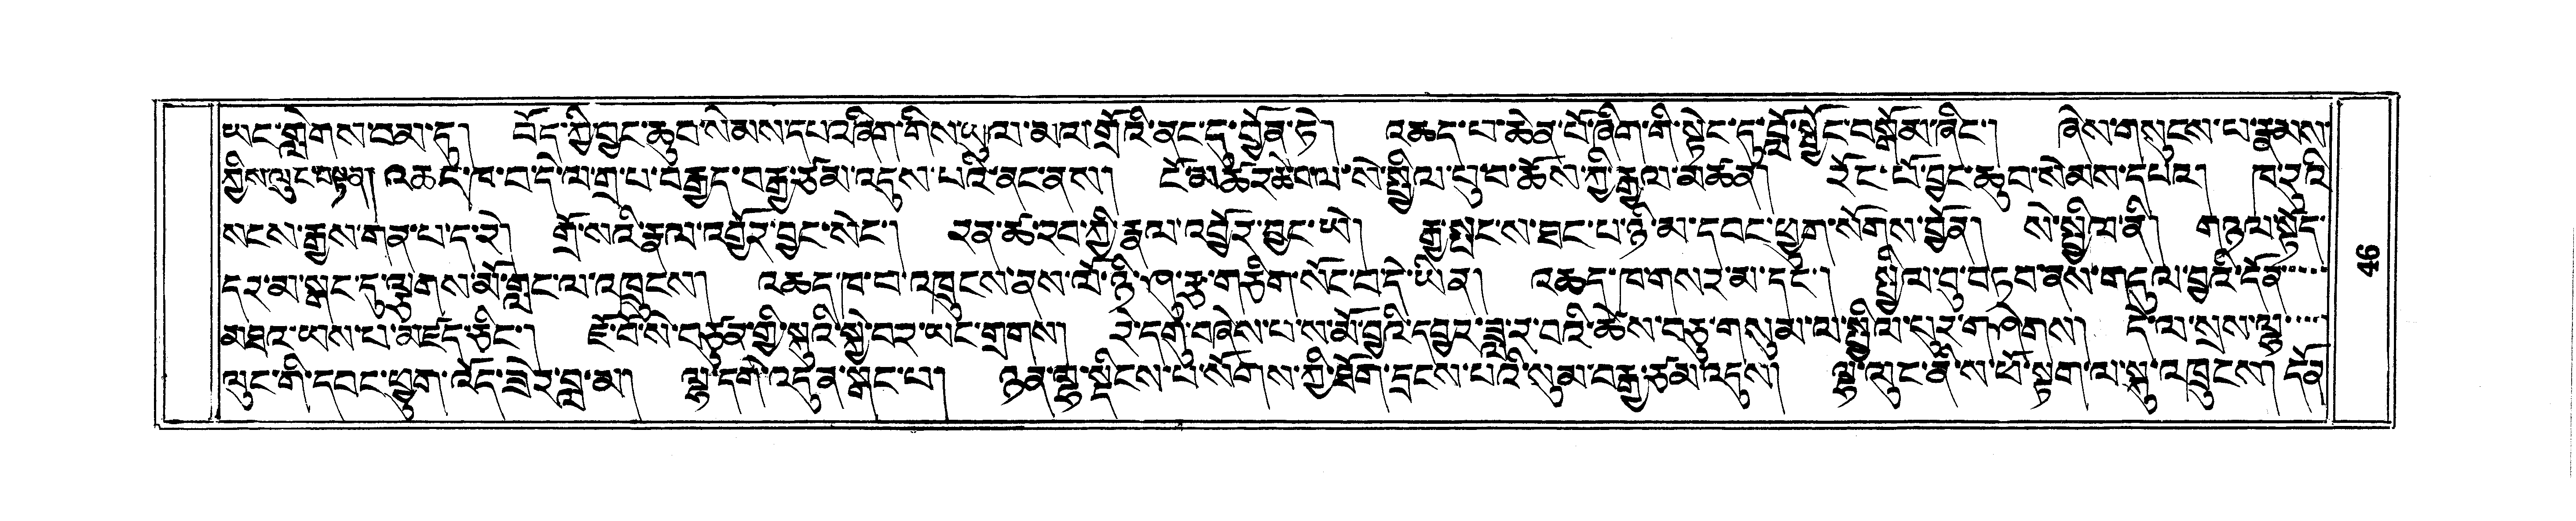ཡང་གླེགས་བམ་དུ། བོད་ཀྱི་བྱང་ཆུབ་སེམས་དཔའ་ཞིག་གིས་ཡུལ་མལ་གྲོའི་ནང་དུ་བྱོན་ཏེ། འཆད་པ་ཆེན་པོ་ཞིག་གི་སྟེང་དུ་བློ་སྦྱོང་བསྒོམ་ཞིང་། ཞེས་གསུངས་པ་རྣམས་
ཀྱིས་ལུང་བསྟན། འཆད་ཁ་བ་དེ་ལ་གྲ་པ་བརྒྱད་བརྒྱ་ཙམ་འདུས་པའི་ནང་ནས། ངོ་མཚར་ཆེ་བ་ལ་སེ་སྤྱིལ་པུ་བ་ཆོས་ཀྱི་རྒྱལ་མཚན། རོང་པོ་བྱང་ཆུབ་སེམས་དཔའ། ཁ་རུའི་
སངས་རྒྱས་གན་པ་ད་རེ། གྲོ་སའི་རྣལ་འབྱོར་བྱང་སེང་། རན་ཚ་རབ་ཀྱི་རྣལ་འབྱོར་བྱང་ཡེ། རྒྱ་སྤང་ས་ཐང་པ་ཉི་མ་དབང་ཕྱུག་སོགས་བྱོན། སེ་སྤྱིལ་ནི། གཉལ་སྟོད་
དར་མ་སྒང་དུ་ལྕགས་མོ་གླང་ལ་འཁྲུངས། འཆད་ཁ་བ་འཁྲུངས་ནས་ལོ་ཉི་ཤུ་རྩ་གཅིག་སོང་བ་དེ་ཡིན། འཆད་ཁ་གསར་མ་དང་། སྤྱིལ་བུ་བཏབ་ནས་གདུལ་བྱའི་དོན་
མཐའ་ཡས་པ་མཛད་ཅིང་། ཇོ་བོ་སེ་བཙུན་གྱི་སྐུའི་སྐྱེ་བར་ཡང་གྲགས། རེ་དགུ་བཞེས་པ་ས་མོ་བྱའི་དབྱར་ཟླ་ར་བའི་ཚེས་བཅུ་གསུམ་ལ་སྤྱིལ་པུར་གཤེགས། དེ་ལ་སྲས་ལྷ་
ལུང་གི་དབང་ཕྱུག་འོད་ཟེར་བླ་མ། ལྷ་དགེ་འདུན་སྒང་པ། ཉན་ལྷ་སྡིངས་པ་སོགས་ཀྱི་ཐོག་དྲངས་པའི་སུམ་བརྒྱ་ཙམ་འདུས། ལྷ་ལུང་ནི་ས་ཕོ་སྟག་ལ་སྐུ་འཁྲུངས། དོན་